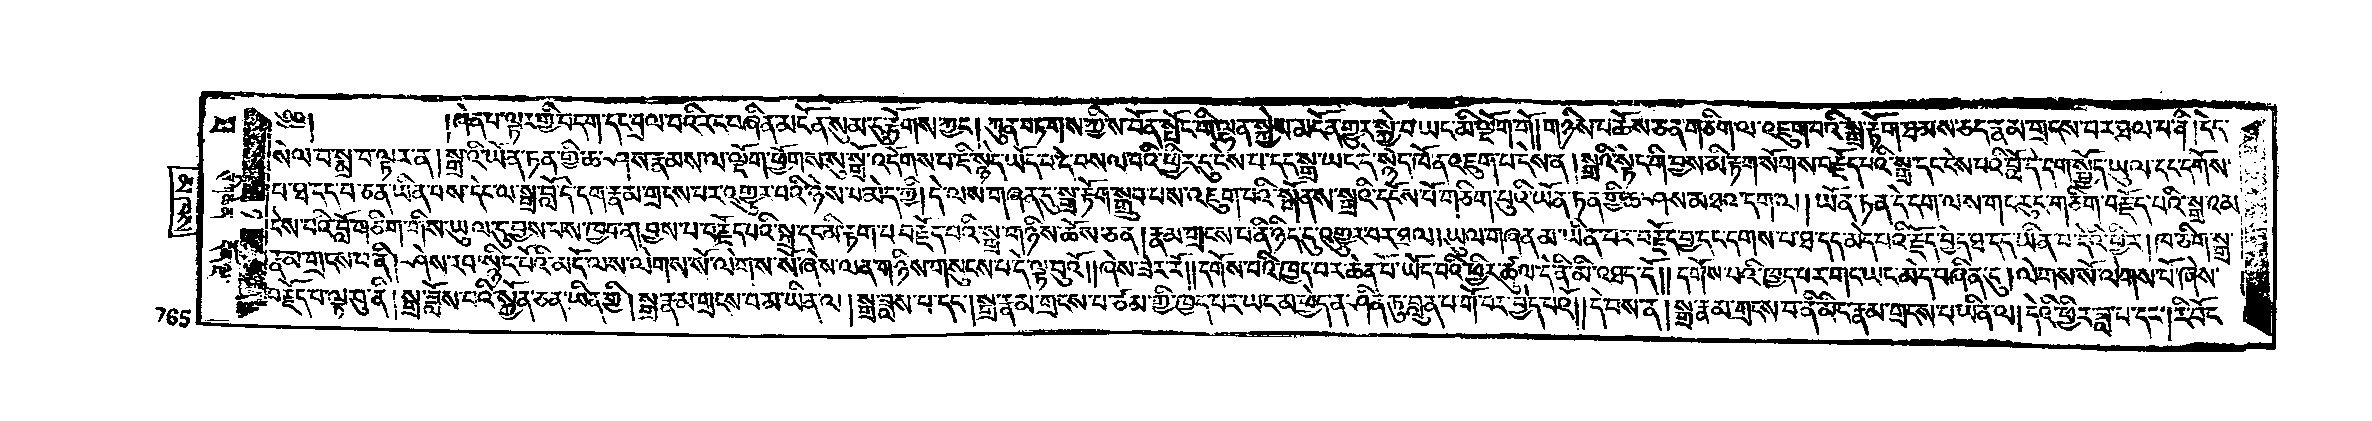༄༅། །ཞེན་པ་ལྟར་གྱི་བདག་དང་བྲལ་བའི་རང་བཞིན་མངོན་སུམ་དུ་རྟོགས་ཀྱང་། ཀུན་བཏགས་ཀྱི་ས་བོན་སྤོང་གི་ལྷན་སྐྱེས་མངོན་གྱུར་སྐྱེ་བ་ཡང་མི་ལྡོག་གོ །གཉིས་པ་ཆོས་ཅན་གཅིག་ལ་འཇུག་པའི་སྒྲ་རྟོག་ཐམས་ཅད་རྣམ་གྲངས་པར་ཐལ་པ་ནི། དེད་
སེལ་བ་སྨྲ་བ་ལྟར་ན། སྒྲའི་ཡོན་ཏན་གྱི་ཆ་ཤས་རྣམས་ལ་ལྡོག་ཕྱོགས་སུ་སྒྲོ་འདོགས་པ་ཇི་སྙེད་ཡོད་པ་དེ་བསལ་བའི་ཕྱིར་དུ་ངེས་པ་དང་སྒྲ་ཡང་དེ་སྙེད་ཁོ་ན་འཇུག་པ་དེས་ན། སྒྲའི་སྟེང་གི་བྱས་མི་རྟག་སོགས་བརྗོད་པའི་སྒྲ་དང་ངེས་པའི་བློ་དེ་དག་སྤྱོད་ཡུལ་དང་དགོས་
པ་ཐ་དད་པ་ཅན་ཡིན་པས་དེང་ལ་སྒྲ་བློ་དེ་དག་རྣམ་གྲངས་པར་འགྱུར་བའི་ཉེས་པ་མེད་ཀྱི། དེ་ལས་གཞན་དུ་སྒྲ་རྟོག་སྒྲུབ་པས་འཇུག་པའི་སྒོ་ནས་སྒྲའི་དངོས་པོ་གཅིག་པུའི་ཡོན་ཏན་གྱི་ཆ་ཤས་མཐའ་དག་ལ། ཡོན་ཏན་དེ་དག་ལས་གང་རུང་གཅིག་བརྗོད་པའི་སྒྲའམ་
ངེས་པའི་བློ་གཅིག་གིས་ཡུལ་དུ་བྱས་པས་ཁྱབ་ན། བྱས་པ་བརྗོད་པའི་སྒྲ་དང་མི་རྟག་པ་བརྗོད་པའི་སྒྲ་གཉིས་ཆོས་ཅན། རྣམ་གྲངས་པ་ནི་ཉིད་དུ་འགྱུར་བར་ཐལ། ཡུལ་གཞན་མ་ཡིན་པར་བརྗོད་བྱ་དང་དགོས་པ་ཐ་དད་མེད་པའི་རྗོད་བྱེད་ཐ་དད་ཡིན་པ་དེའི་ཕྱིར། ཁ་ཅིག་སྒྲ་
རྣམ་གྲངས་པ་ནི། ཤེས་རབ་སྙིང་པོའི་མདོ་ལས་ལེགས་སོ་ལེགས་སོ་ཞེས་ལན་གཉིས་གསུངས་པ་དེ་ལྟ་བུའོ། །ཞེས་ཟེར་རོ། །དགོས་པའི་ཁྱད་པར་ཆེན་པོ་ཡོད་པའི་ཕྱིར་ཚུལ་དེ་ནི་མི་འཐད་དོ། །དགོས་པའི་ཁྱད་པར་གང་ཡང་མེད་གཞིན་དུ། ལེགས་སོ་ལེགས་སོ་ཞེས་
བརྗོད་པ་ལྟ་བུ་ནི། སྒྲ་ཟློས་པའི་སྐྱོན་ཅན་ཡིན་གྱི། སྒྲ་རྣམ་གྲངས་བ་མ་ཡིན་ལ། སྒྲ་ཟླས་པ་དང་། སྒྲ་རྣམ་གྲངས་པ་ཙམ་གྱི་ཁྱད་པར་ཡང་མ་ཕྱེད་ན་ཤིན་ཏུ་བླུན་པ་གོ་བར་བྱེད་པའོ། །དེ་བས་ན། སྒྲ་རྣམ་གྲངས་པ་ནི་མིང་རྣམ་གྲངས་པ་ཡིན་ལ། དེའི་ཕྱིར་ཟླ་བ་དང་། རི་བོང་